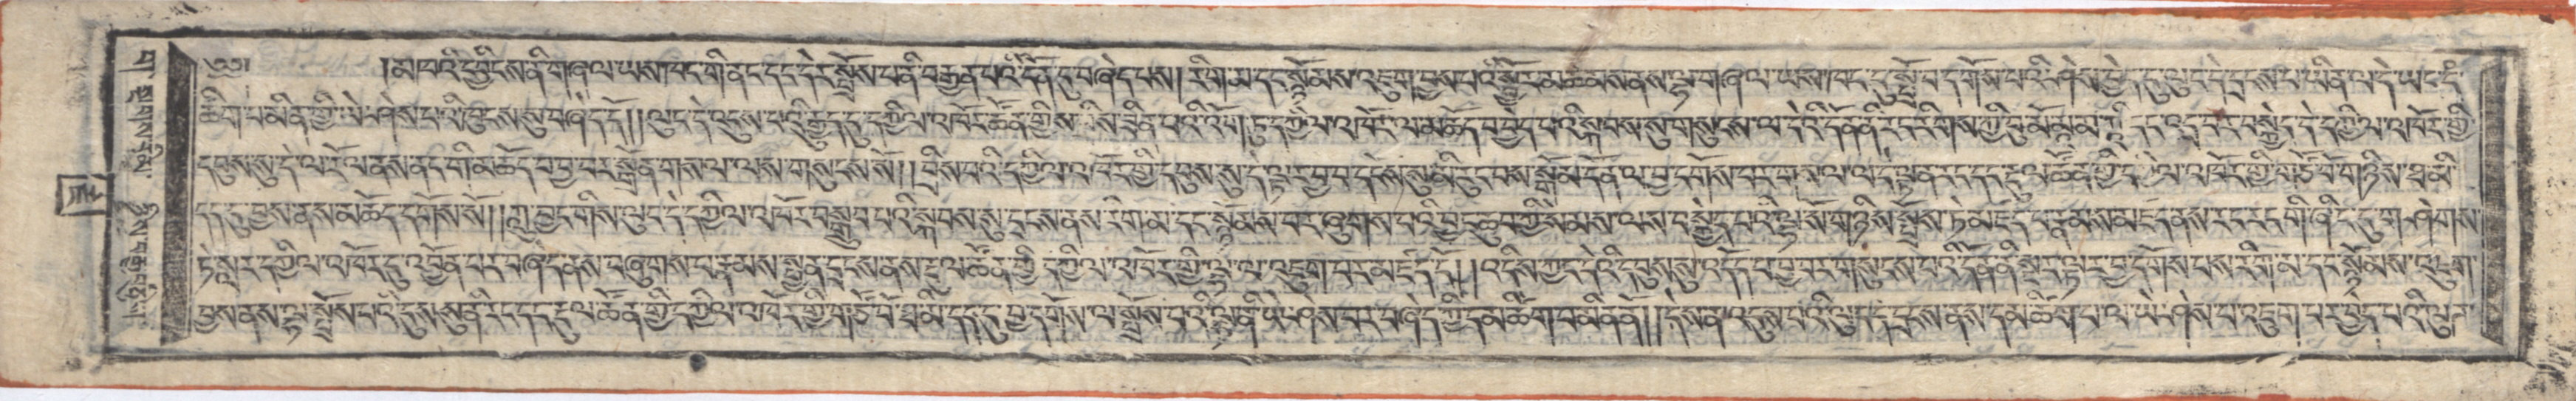༄༅། །མཁའི་དབྱིངས་ནི་གཞལ་ཡས་ཁང་གི་ནང་དང་དེར་སྤྲོས་པ་ནི་བརྒྱན་པའི་དོན་དུ་བཞེད་པས། རིག་མ་དང་སྙོམས་འཇུག་བྱས་པའི་སྦྱོར་མཚམས་ནས་ལྷ་གཞལ་ཡས་ཁང་དུ་སྤྲོ་བ་དགོས་པའི་ཤེས་བྱེད་དུ་ལུང་དེ་དྲངས་པ་ཡིན་ལ་དེ་ཡང་དཾ་
ཚིག་པ་མིན་གྱི་ཡེ་ཤེས་པའི་ཁུངས་སུ་བཞེད་དོ། །ལུང་དེ་འདུས་པའི་རྒྱུད་དུ་དཀྱིལ་འཁོར་ཚོན་གྱིས་བྲིས་ཟིན་པའི་འོག་ཏུ་དཀྱིལ་འཁོར་ལ་མཆོད་བ་བྱེད་པའི་སྐབས་སུ་གསུངས་ལ་དེའི་དོན་ནི་རང་རིགས་ཀྱི་བུ་མོ་མཱ་མ་ཀཱི་དང་འདྲ་བར་བསྐྱེད་དེ་དཀྱིལ་འཁོར་གྱི་
དབུས་སུ་དེ་ལ་རོལ་ནས་ནང་གི་མཆོད་པ་བྱ་བར་སྒྲོན་གསལ་ལས་གསུངས་སོ། །བྲིས་པའི་དཀྱིལ་འཁོར་གྱི་དབུས་སུ་དེ་ལྟར་བྱ་བ་དངོས་སུ་མི་རུང་བས་སྒོམ་དོན་ལ་བྱ་དགོས་པར་གསལ་ལ་དེ་ལྟ་ན་རང་དང་རྡུལ་ཚོན་གྱི་དཀྱིལ་འཁོར་གྱི་གཙོ་བོ་གཉིས་ཐ་མི་
དད་དུ་བྱས་ནས་མཆོད་དགོས་སོ། །ཀླུ་བྱང་གིས་ལུང་དེ་དཀྱིལ་འཁོར་བསྒྲུབ་པའི་སྐབས་སུ་དྲངས་ནས་རིག་མ་དང་སྙོམས་པར་ཞུགས་པའི་བྱང་ཆུབ་ཀྱི་སེམས་ལས་བསྐྱེད་པའི་ལྷ་སོ་གཉིས་སྤྲོས་ཏེ་མཛད་པ་རྣམས་མཛད་ནས་རང་རང་གི་ཞིང་དུ་གཤེགས་
ཏེ་སླར་དཀྱིལ་འཁོར་དུ་འབྱོན་པར་བཞེད་ནས་བཞུགས་པ་རྣམས་སྤྱན་དྲངས་ནས་རྡུལ་ཚོན་གྱི་དཀྱིལ་འཁོར་གྱི་ལྷ་ལ་འཇུག་པར་མཛད་དོ། །འདིས་ཀྱང་དེའི་དབུས་སུ་འདོད་པ་བྱ་བར་གསུངས་པའི་དོན་ནི་སྔར་ལྟར་བྱ་དགོས་པས་རིག་མ་དང་སྙོམས་འཇུག་
བྱས་ནས་ལྷ་སྤྲོས་པའི་དུས་སུ་ནི་རང་དང་རྡུལ་ཚོན་གྱི་དཀྱིལ་འཁོར་གྱི་གཙོ་བོ་ཐ་མི་དད་དུ་བྱ་དགོས་ལ་སྤྲོས་པའི་ལྷ་ནི་ཡེ་ཤེས་པར་བཞེད་ཀྱི་དམ་ཚིག་པ་མིན་ནོ། །དེས་ན་འདུས་པའི་ལུང་དེ་དྲངས་ནས་དམ་ཚིག་པ་ལ་ཡེ་ཤེས་པ་འཇུག་པར་བྱེད་པའི་ལུགས་